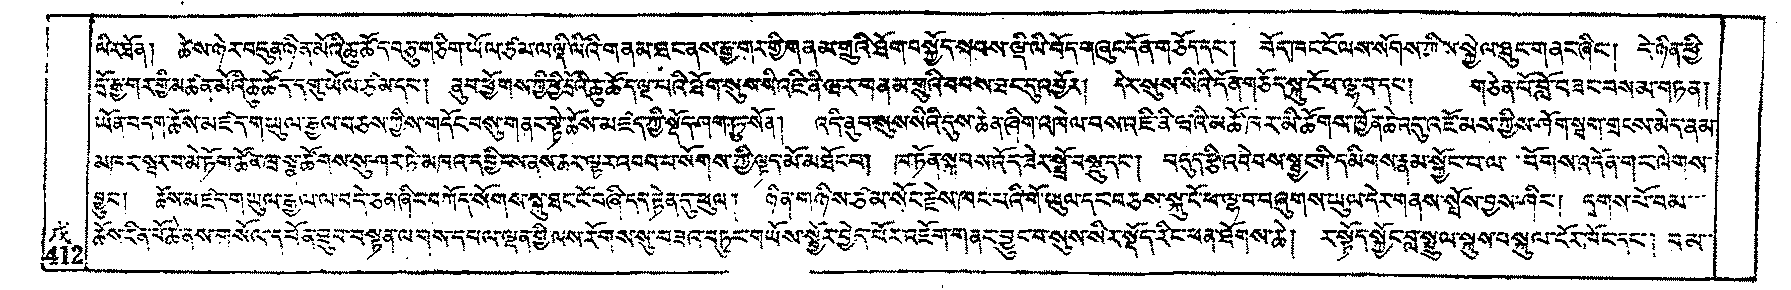ལིར་ཐོན། ཚེས་ཉེར་བདུན་ཉིན་མོའི་ཆུ་ཚོད་བཅུ་གཅིག་ཡོལ་ཙམ་ལ་ལྡི་ལིའི་གནམ་ཐང་ནས་རྒྱ་གར་གྱི་གནམ་གྲུའི་ཐོག་བསྐྱོད་སྐབས་ལྡི་ལི་བོད་གཞུང་དོན་གཅོད་དང་། བོད་ཁང་ངོ་ལས་སོགས་ཀྱིས་སྐྱེལ་ཐུང་གནང་ཞིང་། དེ་ཉིན་ཕྱི་
དྲོ་རྒྱ་གར་གྱི་མཚན་མོའི་ཆུ་ཚོད་དགུ་ཡོལ་ཙམ་དང་། ནུབ་ཕྱོགས་ཀྱི་ཕྱི་དྲོའི་ཆུ་ཚོད་ལྔ་པའི་ཐོག་སུས་སི་འཇི་ནི་ཝ་ར་གནམ་གྲུའི་བབས་ཐང་དུ་འབྱོར། དེར་སུས་སིའི་དོན་གཅོད་སྐུ་ངོ་ཕ་ལྷ་བ་དང་། གཅེན་པོ་བློ་བཟང་བསམ་གཏན།
ཡོན་བདག་ཆོས་མཛད་གཡུལ་རྒྱལ་བཅས་ཀྱིས་གདོང་བསུ་གནང་སྟེ་ཆོས་མཛད་ཀྱི་སྡོད་ཤག་ཏུ་སོན། འདི་ནུབ་སུས་སིའི་དུས་ཆེན་ཞིག་འཁེལ་བས་འཇི་ནི་ཝའི་མཚོ་ཁར་མི་ཚོགས་ཁྱོན་ཆེ་འདུ་འཛོམས་ཀྱིས་ཤོག་སྦག་གྲངས་མེད་ནམ་
མཁར་སྦར་བ་མེ་ཏོག་ཚོན་ཁྲ་སྣ་ཚོགས་སུ་ཤར་ཏེ་མཁའ་དབྱིངས་ནས་ཆར་ལྟར་འབབ་པ་སོགས་ཀྱི་ལྟད་མོ་མཐོང་བ། ཁ་ཏོན་སྐབས་འོད་ཟེར་སྤྲོ་བསྡུ་དང་། བདུད་རྩི་འབེབས་སྦྱང་གི་དམིགས་རྣམ་སྐྱོང་བ་ལ་བོགས་འདོན་གང་ལེགས་
བྱུང་། ཆོས་མཛད་གཡུལ་རྒྱལ་ལ་བདེ་ཅན་ཞིང་བཀོད་སོགས་སྐུ་ཐང་ངོ་བཞི་དད་རྟེན་དུ་ཕུལ། ཉིན་གཉིས་ཙམ་སོང་རྗེས་ཁང་པའི་གོ་ཡུལ་དང་བཅས་སྐུ་ངོ་ཕ་ལྷ་བ་བཞུགས་ཡུལ་དེར་གནས་སྤོས་བྱས་ཤིང་། དྭགས་པོ་བམ་
ཆོས་རིན་པོ་ཆེ་ནས་གསོལ་དཔོན་ཐུབ་བསྟན་ལགས་དཔལ་ལྡན་གྱི་ལས་རོགས་སུ་བཟའ་བཏུང་གཡོས་སྦྱོར་བྱེད་པོར་འཇོག་གནང་བྱུང་བ་སུས་སིར་སྡོད་རིང་ཕན་ཐོགས་ཆེ། ར་སྟོད་སྐྱོང་བླ་སྤྲུལ་སྐུས་བསྐུལ་ངོར་ཁོང་དང་། བམ་